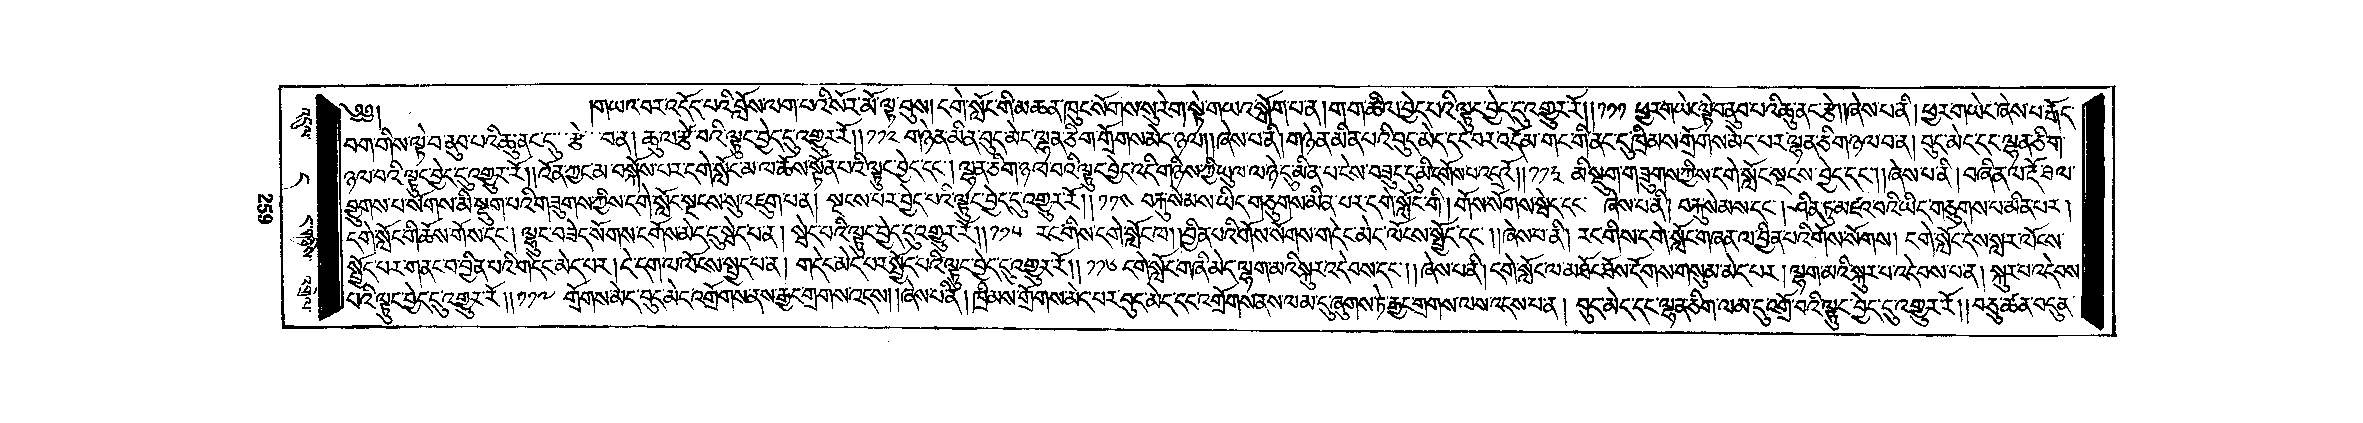༄༅། །གཡའ་བར་འདོད་པའི་བློས་ལག་པའི་སོར་མོ་ལྟ་བུས། དགེ་སློང་གི་མཆན་ཁུང་སོགས་སུ་རེག་སྟེ་གཡའ་སྒོག་པ་ན། ག་ག་ཚིལ་བྱེད་པའི་ལྟུང་བྱེད་དུ་འགྱུར་རོ། །ཕྱར་གཡེང་ལྟེ་བ་ནུབ་པའི་ཆུ་ནང་རྩེ། །ཞེས་པ་ནི། ཕྱར་གཡེང་ཞེས་པ་རྒོད་
བག་གིས་ལྟེ་བ་ནུབ་པའི་ཆུ་ནང་དུ་རྩེ་བ་ན། ཆུ་ལ་རྩེ་བའི་ལྟུང་བྱེད་དུ་འགྱུར་རོ། །གཉེན་མིན་བུད་མེད་ལྷན་ཅིག་གྲོགས་མེད་ཉལ། །ཞེས་པ་ནི། གཉེན་མིན་པའི་བུད་མེད་དང་བར་འདོམ་གང་གི་ནང་དུ་ཁྲིམས་གྲོགས་མེད་པར་ལྷན་ཅིག་ཉལ་བ་ན། བུད་མེད་དང་ལྷན་ཅིག་
ཉལ་བའི་ལྟུང་བྱེད་དུ་འགྱུར་རོ། །འོན་ཀྱང་མ་བསྐོས་པར་དགེ་སློང་མ་ལ་ཆོས་སྟོན་པའི་ལྟུང་བྱེད་དང་། ལྷན་ཅིག་ཉལ་བའི་ལྟུང་བྱེད་འདི་གཉིས་ཀྱི་ཡུལ་ལ་ཉེ་དུ་མིན་པ་ངེས་བཟུང་དུ་མི་དགོས་པ་འདྲའོ། །མི་སྡུག་གཟུགས་ཀྱིས་དགེ་སློང་སྡངས་བྱེད་དང་། །ཞེས་པ་ནི། བཞིན་ལ་རྡོ་ཐལ་
བྱུགས་པ་སོགས་མི་སྡུག་པའི་གཟུགས་ཀྱིས་དགེ་སློང་སྡངས་སུ་འཇུག་པ་ན། སྡངས་པར་བྱེད་པའི་ལྟུང་བྱེད་དུ་འགྱུར་རོ། །བརྐུ་སེམ་ཡིད་གཅུགས་མིན་པར་དགེ་སློང་གི །གོས་སོགས་སྦེད་དང་ཞེས་པ་ནི། བརྐུ་སེམས་དང་། ཤིན་ཏུ་མཛའ་བའི་ཡིད་གཅུགས་པ་མིན་པར།
དགེ་སློང་གི་ཆོས་གོས་དང་། ལྷུང་བཟེད་སོགས་དགོས་མེད་དུ་སྦེད་པ་ན། སྦེད་པའི་ལྟུང་བྱེད་དུ་འགྱུར་རོ། །རང་གིས་དགེ་སློང་ལ། །བྱིན་པའི་གོས་སོགས་གདེང་མེད་ལོངས་སྤྱོད་དང་། །ཞེས་པ་ནི། རང་གིས་དགེ་སློང་གཞན་ལ་བྱིན་པའི་གོས་སོགས། དགེ་སློང་དེས་སླར་ལོངས་
སྤྱོད་པར་གནང་བ་བྱིན་པའི་གདེང་མེད་པར། དེ་དག་ལ་ལོངས་སྤྱད་པ་ན། གདེང་མེད་པར་སྤྱོད་པའི་ལྟུང་བྱེད་དུ་འགྱུར་རོ། །དགེ་སློང་གཞི་མེད་ལྷག་མའི་སྐུར་འདེབས་དང་། །ཞེས་པ་ནི། དགེ་སློང་ལ་མཐོང་ཐོས་དོགས་གསུམ་མེད་པར། ལྷག་མའི་སྐུར་པ་འདེབས་པ་ན། སྐུར་པ་འདེབས་
པའི་ལྟུང་བྱེད་དུ་འགྱུར་རོ། །གྲོགས་མེད་བུད་མེད་འགྲོགས་ནས་རྒྱང་གྲགས་འདས། །ཞེས་པ་ནི། ཁྲིམས་གྲོགས་མེད་པར་བུད་མེད་དང་འགྲོགས་ནས་ལམ་དུ་ཞུགས་ཏེ་རྒྱང་གྲགས་ལས་འདས་པ་ན། བུད་མེད་དང་ལྷན་ཅིག་ལམ་དུ་འགྲོ་བའི་ལྟུང་བྱེད་དུ་འགྱུར་རོ། །བཅུ་ཚན་བདུན་